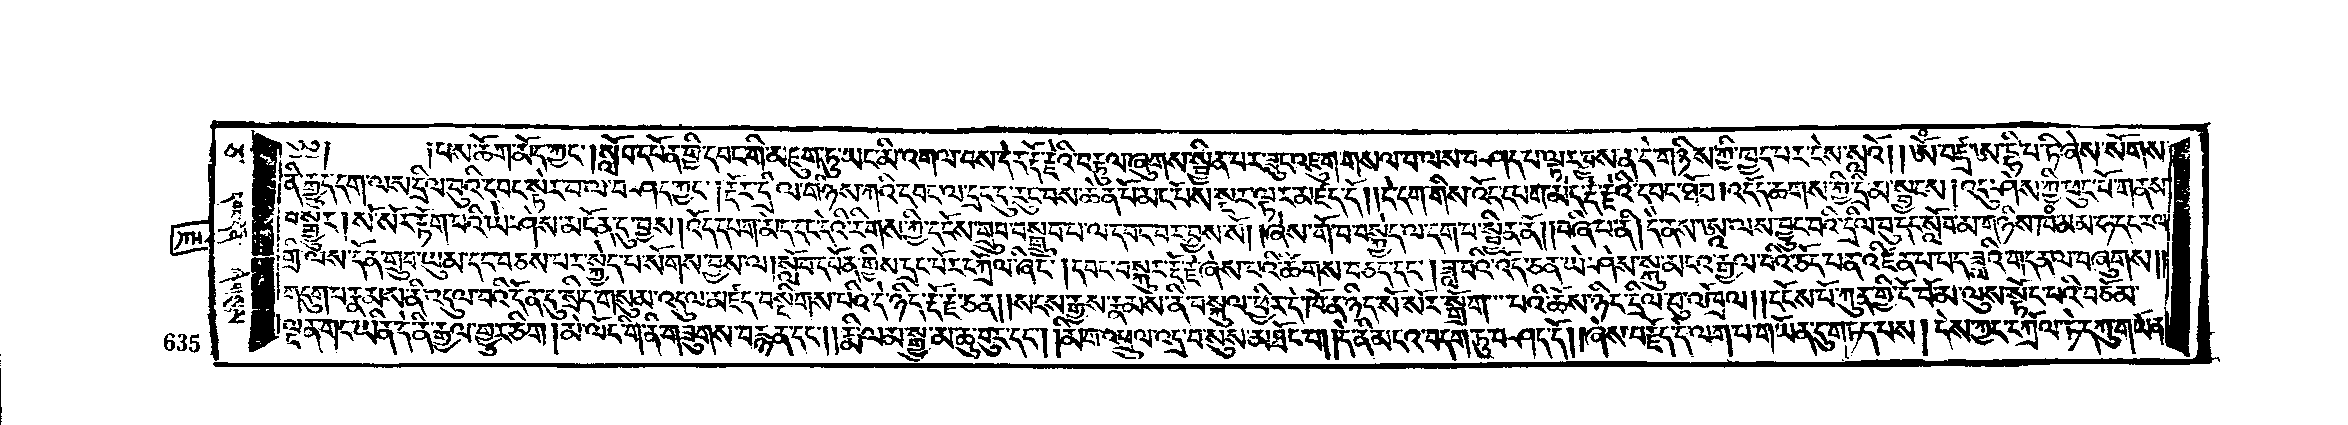༄༅། །པས་ཆོག་མོད་ཀྱང་། སློབ་དཔོན་གྱི་དབང་གི་མཇུག་ཏུ་ཡང་མི་འགལ་བས་དེར་རྡོ་རྗེའི་བརྟུལ་ཞུགས་སྦྱིན་པར་ཟུང་འཇུག་གསལ་བ་ལས་བཤད་པ་ལྟར་བྱས་ན་དེ་གཉིས་ཀྱི་ཁྱད་པར་ངེས་སླའོ། །ཨོཾ་བཛྲ་ཨ་དྷི་པ་ཏི་ཞེས་སོགས་
ནི་རྒྱུད་དག་ལས་དྲིལ་བུའི་དབང་སྟེར་བ་ལ་བཤད་ཀྱང་། རྡོར་དྲིལ་གཉིས་ཀའི་དབང་ལ་དྲང་དུ་རུང་བས་ཆེན་པོ་མང་པོས་སྔར་ལྟར་མཛད་དོ། །དེ་དག་གིས་འོད་དཔག་མེད་རྡོ་རྗེའི་དབང་ཐོབ། འདོད་ཆགས་ཀྱི་དྲི་མ་སྦྱངས། འདུ་ཤེས་ཀྱི་ཕུང་པོ་གནས་
བསྒྱུར། སོ་སོར་རྟོག་པའི་ཡེ་ཤེས་མངོན་དུ་བྱས། འོད་དཔག་མེད་དང་དེའི་རིགས་ཀྱི་དངོས་གྲུབ་བསྒྲུབ་པ་ལ་དབང་བར་བྱས་སོ། །ཞེས་ག་བ་བསྐྱེད་ལ་དག་པ་སྦྱིན་ནོ། །བཞི་པ་ནི། དེ་ནས་ཨཱ་ལས་བྱུང་བའི་དྲིལ་བུ་དང་སློབ་མ་གཉིས་ཁཾ་མམ་ཧ་དང་རལ་
གྲི་ལས་དོན་གྲུབ་ཡུམ་དང་བཅས་པར་སྐྱེད་པ་སོགས་བྱས་ལ། སློབ་དཔོན་གྱིས་དྲང་པོར་དཀྲོལ་ཞིང་། དབང་བསྐུར་རྡོ་རྗེ་ཞེས་པའི་ཚིགས་བཅད་དང་། ཟླ་བའི་འོད་ཅན་ཡེ་ཤེས་སྐུ་མངའ་རྒྱལ་བའི་ཅོད་པན་འཛིན་པ་པད་ཟླའི་གདན་ལ་བཞུགས། །
གདུག་པ་རྣམས་ནི་འདུལ་བའི་དོན་དུ་སྲིད་གསུམ་འདུལ་མཛད་བསྡིགས་པའི་དེ་ཉིད་རྡོ་རྗེ་ཅན། །སངས་རྒྱས་རྣམས་ནི་བསྐུལ་ཕྱིར་དེ་ཁོ་ན་ཉིད་སོ་སོར་སྒྲོག་པའི་ཆོས་ཉིད་དྲིལ་བུ་འཁྲོལ། །དངོས་པོ་ཀུན་གྱི་ངོ་བོ་མ་ལུས་སྟོང་པའི་བཅོམ་
ལྡན་གང་ཡིན་དེ་ནི་རྒྱལ་གྱུར་ཅིག། མེ་ལོང་གི་ནི་གཟུགས་བརྙན་དང་། །རྨི་ལམ་སྒྱུ་མ་ཆུ་བུར་དང་། །མིག་འཕྲུལ་འདྲ་བ་སུས་མཐོང་བ། །དེ་ནི་མངའ་བདག་ཏུ་བཤད་དོ། །ཞེས་བརྗོད་དེ་ལག་པ་གཡོན་དུ་གཏད་པས། དེས་ཀྱང་དཀྲོལ་ཏེ་དཀུ་གཡོན་